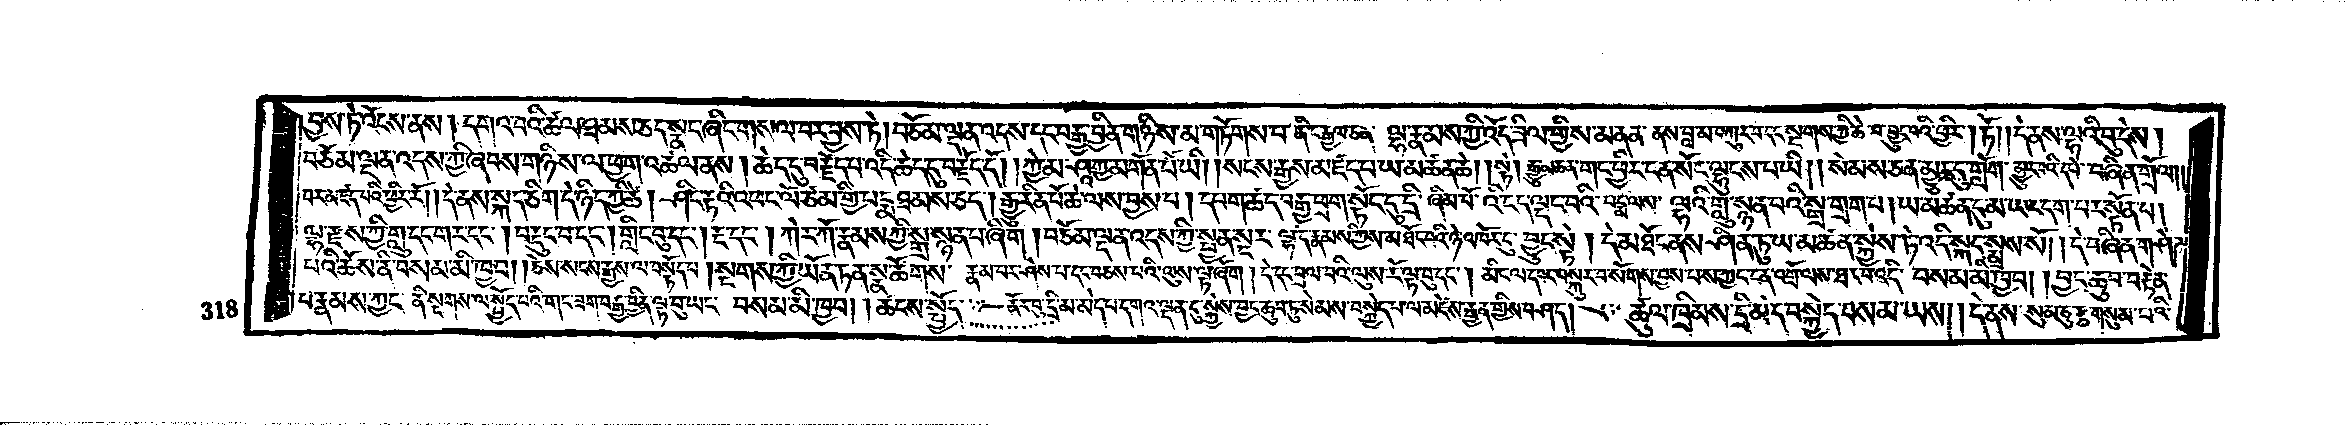བྱས་ཏེ་འོངས་ནས། དགའ་བའི་ཚལ་ཐམས་ཅད་སྣང་ཞིང་གསལ་བར་བྱས་ཏེ། བཅོམ་ལྡན་འདས་དང་བརྒྱ་བྱིན་གཉིས་མ་གཏོགས་པ་ནི་ང་རྒྱལ་ཅན་ལྷ་རྣམས་ཀྱི་འོད་ཟིལ་གྱིས་མནན་ནས་བླ་མ་བཀུར་བ་དང་སྔགས་ཀྱི་ཆེ་བ་བྱུང་བའི་ཕྱིར། ཏོ། །དེ་ནས་ལྷའི་བུ་དེས།
བཅོམ་ལྡན་འདས་ཀྱི་ཞབས་གཉིས་ལ་ཕྱག་འཚལ་ནས། ཆེད་དུ་བརྗོད་པ་འདི་ཆེད་དུ་བརྗོད་དོ། །ཀྱེ་མ་ཤཱཀྱ་མགོན་པོ་ཡི། །སངས་རྒྱས་མཛད་པ་ཡ་མཚན་ཆེ། །སྟེ། རྒྱུ་མཚན་གང་ཕྱིར་ངན་སོང་ལྷུངས་པ་ཡི། །སེམས་ཅན་མྱུར་དུ་གློག་མྱུར་བའི་དཔེ་བཞིན་གྲོལ། །
བར་མཛད་པའི་ཕྱིར་རོ། །དེ་ནས་སྐད་ཅིག་དེ་ཉིད་ཀྱི་ཚེ། ཤིང་རྟའི་འཕང་ལོ་ཙམ་གྱི་པདམ་ཐམས་ཅད། རྒྱུ་རིན་པོ་ཆེ་ལས་བྱས་པ། དཔག་ཚད་བརྒྱ་ཕྲག་སྟོང་དུ་དྲི་ཞིམ་པོ་འི་ངད་ལྡང་བའི་པདམ་ལས་ལྷའི་གླུ་སྙན་པའི་སྒྲ་གྲག་པ། ཡ་མཚན་དུ་མ་ཡང་དག་པར་སྟོན་པ།
ལྷ་རྫས་ཀྱི་གླུ་དང་གར་དང་། བརྡུང་བ་དང་། གླིང་བུ་དང་། རྔ་དང་། ཀེར་ཀོ་རྣམས་ཀྱི་སྒྲ་སྙན་པ་ཞིག །བཅོམ་ལྡན་འདས་ཀྱི་སྤྱན་སྔར་ལྷ་དེ་རྣམས་ཀྱིས་མཐོང་བའི་ཉེ་འཁོར་དུ་བྱུང་སྟེ། དེ་མཐོང་ནས་ཤིན་ཏུ་ཡ་མཚན་སྐྱེས་ཏེ་འདི་སྐད་སྨྲས་སོ། །དེ་བཞིན་གཤེགས་
པའི་ཆོས་ནི་བསམ་མི་ཁྱབ། ། ཅེས་སངས་རྒྱས་ལ་བསྟོད་པ། སྔགས་ཀྱི་ཡོན་ཏན་སྣ་ཚོགས་རྣམ་པར་ཤེས་པ་དང་བཅས་པའི་ལུས་ལྟ་ཞོག །དེ་དང་བྲལ་བའི་ལུས་རོ་ལྟ་བུ་དང་། མིང་ལ་དབང་བསྐུར་བ་སོགས་བྱས་པས་ཀྱང་ངན་འགྲོ་ལས་ཐར་བ་འདི་བསམ་མི་ཁྱབ། །བྱང་ཆུབ་བརྟེན་
པ་རྣམས་ཀྱང་ནི་སྔགས་ལ་སྤྱོད་པའི་གང་ཟག་བརྒྱ་བྱིན་ལྟ་བུ་ཡང་བསམ་མི་ཁྱབ། །ཚངས་སྤྱོད་ནོར་བུ་དྲི་མ་མེད་པ་དགའ་ལྡན་དུ་སྐྱེས་བྱང་ཆུབ་ཏུ་སེམས་བསྐྱེད་པ་ལ་མཛེས་རྒྱན་གྱིས་བཤད། ཚུལ་ཁྲིམས་དྲི་མེད་བསྐྱེད་བསམ་ཡས། །དེ་ནས་སུམ་ཅུ་རྩ་གསུམ་པའི